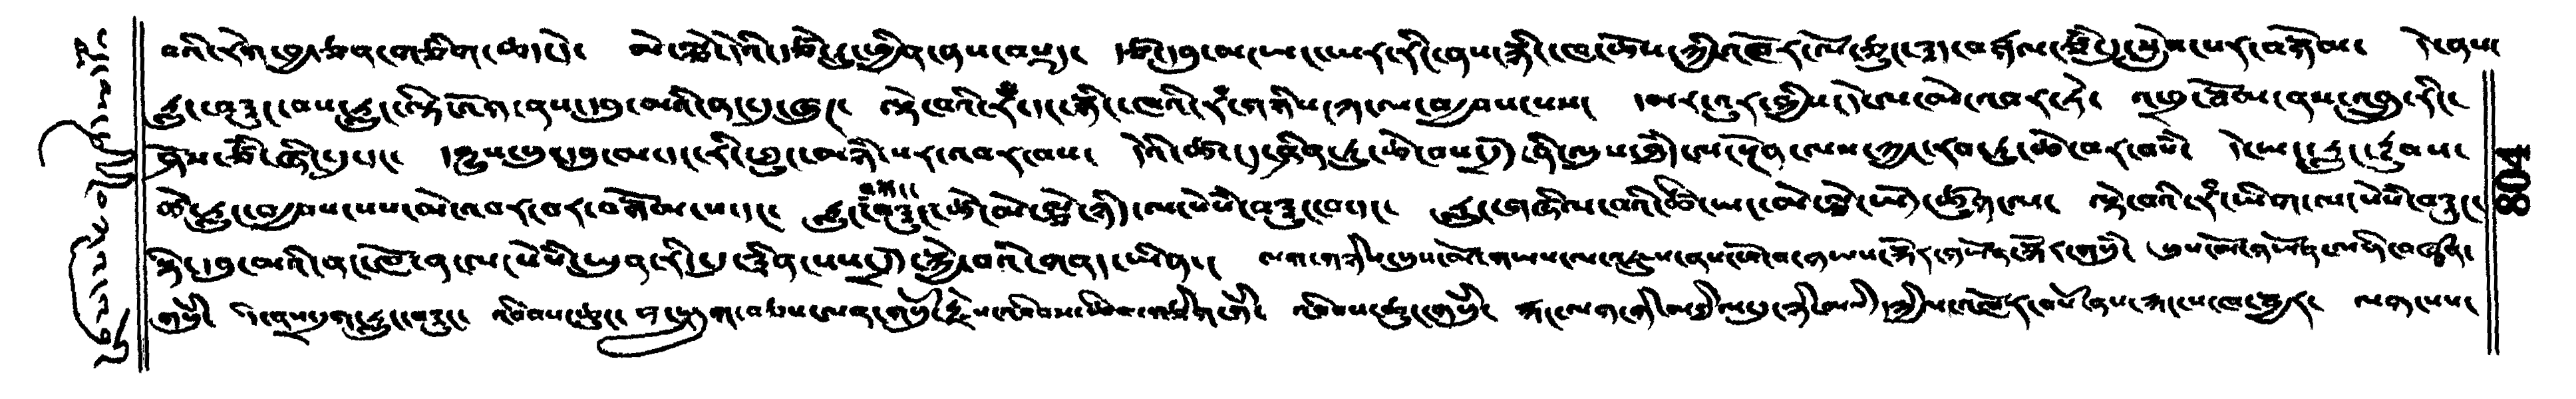བའི་རེག་བྱ་ཅན་ཞིག་ཆད་དེ། མེ་ལྕེ་དེའི་རྩེ་རུ་ཕྱིན་ནས་བསྡད། རྩ་དབུ་མ་ཡང་ཡར་རིང་ནས་སྙིང་ཁ་ཆོས་ཀྱི་འཁོར་ལོ་ཅུང་ཟད་བརྒལ་ཙམ་དུ་སླེབས་པར་བསྒོམ། དེ་ནས་
རླུང་བཟུང་བས་རླུང་ལྟེ་འོག་ནས་དབུ་མའི་ནང་དུ་ཞུགས། ལྟེ་བའི་རྃ་དང་སྙིང་ཁའི་རཾ་གཉིས་ཀ་ལ་བརྒྱབ་པས། དམར་འུར་གྱིས་དེ་ལ་མེ་འབར་ཏེ། ཕྲ་སྦོམ་ནས་འབྲུ་རིང་
ཤོས་ཙམ་ཞེང་དུ་དང་། དཀྱུས་སུ་དབུ་མ་དང་རིང་ཐུང་མཉམ་པར་འབར་བས། དེའི་ཚ་ངད་ཤིན་ཏུ་ཆེ་བས་དྲོད་ནི་ལུས་ཐམས་ཅད་ལ་སྔོན་ལས་ཀྱང་རབ་ཏུ་ཆེ་བར་བསམ། དེ་ཡང་རླུང་རྔུབས་
ཚེ་རླུང་བརྒྱབས་པས་མེ་འབར་བར་བསྒོམ་པ་དང་། རླུང་བསྐང་བཟུང་ཚེ་མེ་ལྕེ་ཉིད་ལ་སེམས་བཟུང་བ་དང་། རླུང་གཞིལ་བའི་ཚེ་ཡང་མེ་ལྕེ་ཡོད་ཚུན་ལ། ལྟེ་བའི་རཾ་ཡིག་ལ་སེམས་བཟུང་
སྟེ་དབུ་མའི་ནང་ཁོ་ན་ལ་སེམས་ཡུན་རིང་དུ་ཟིན་པས་དྲོད་སྐྱེ་བའི་གནད་ཡིན། ལག་གཉིས་པུས་མོ་གཡས་ལ་འཇུས་ན་ཕོ་བ་གཡས་སྐོར་གཡོན་སྐོར་གསུམ། པུས་མོ་གཡོན་ལ་དེ་བཞིན་
གསུམ། དེ་ནས་དྲག་རླུང་བཟུང་། འབེབས་ཆུང་། ཧ་སྤྲུག་བཅས་ལན་གསུམ་རྗེས་འབེབས་ཆེབ་གཅིག་གམ། འབེབས་ཆུང་གསུམ།རྐང་ལག་གི་མཐིལ་དུ་ཉི་མའི་དཀྱིལ་འཁོར་བསམ་ནས་རྐང་པ་ཁ་སྦྱར། ལག་པས་